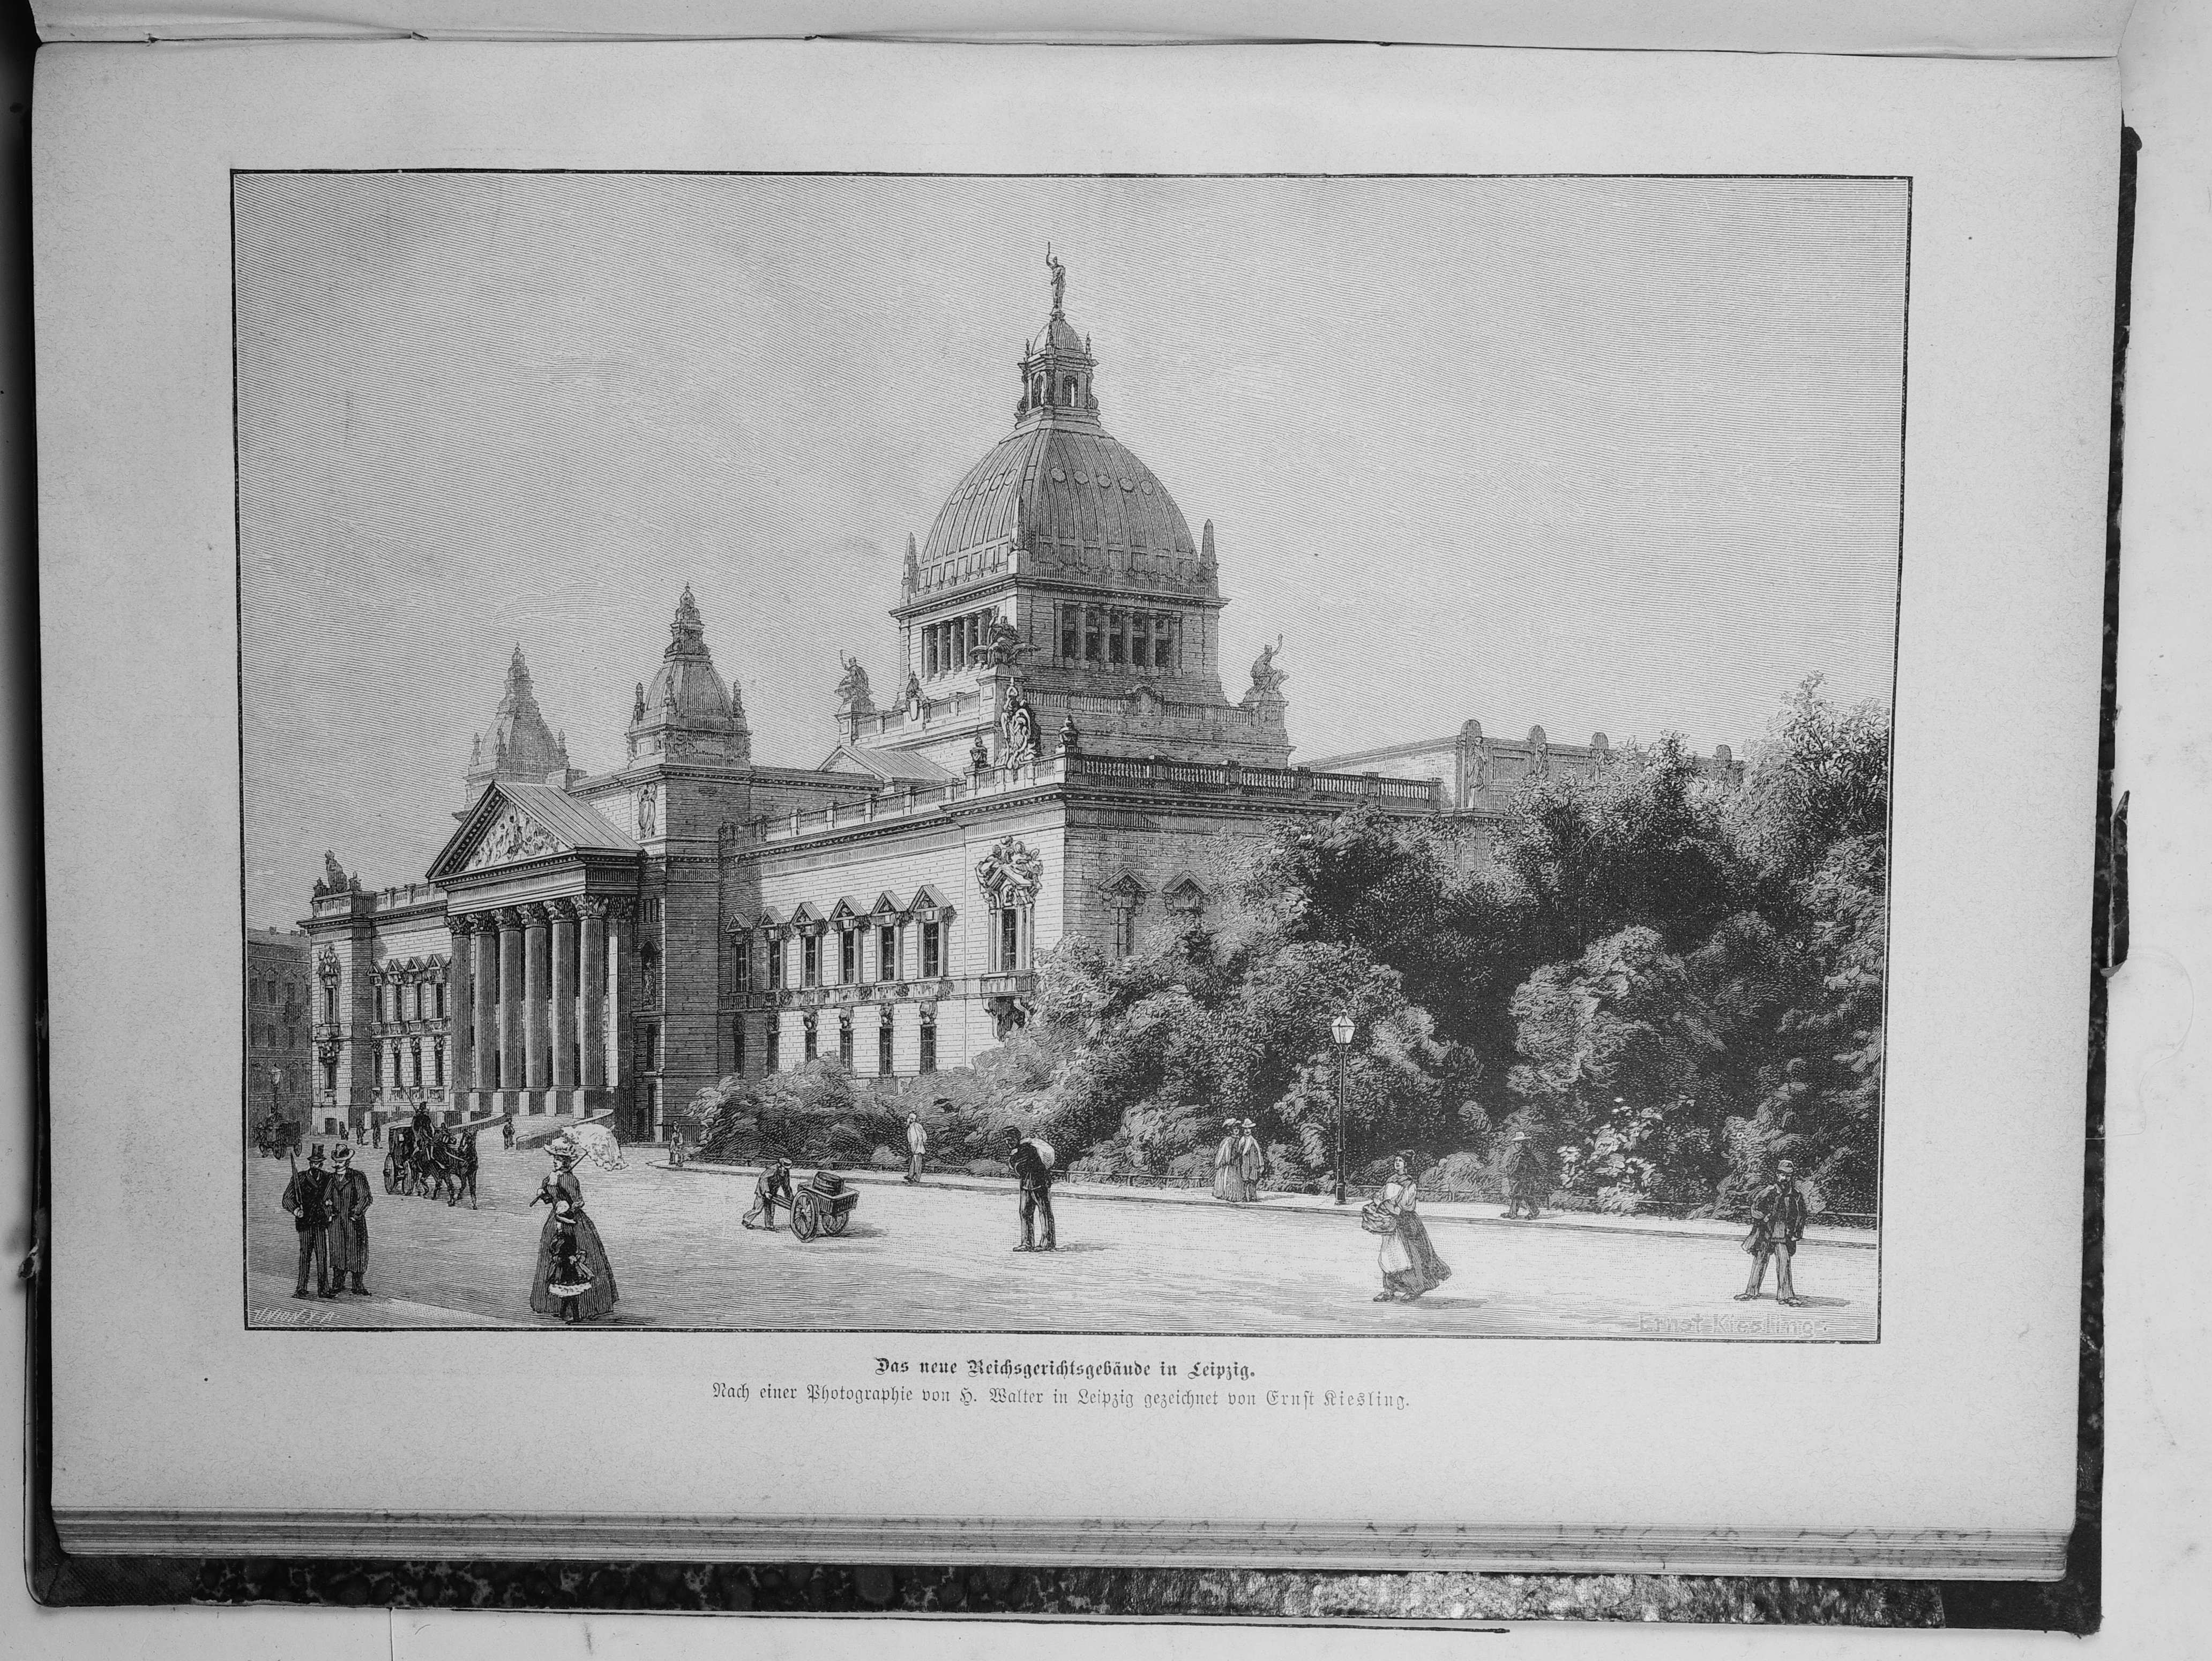Das neue Reichsgerichtsgebäude in Leipzig.
Nach einer Photographie von H. Walter in Leipzig gezeichnet von Ernst Kiesling.
